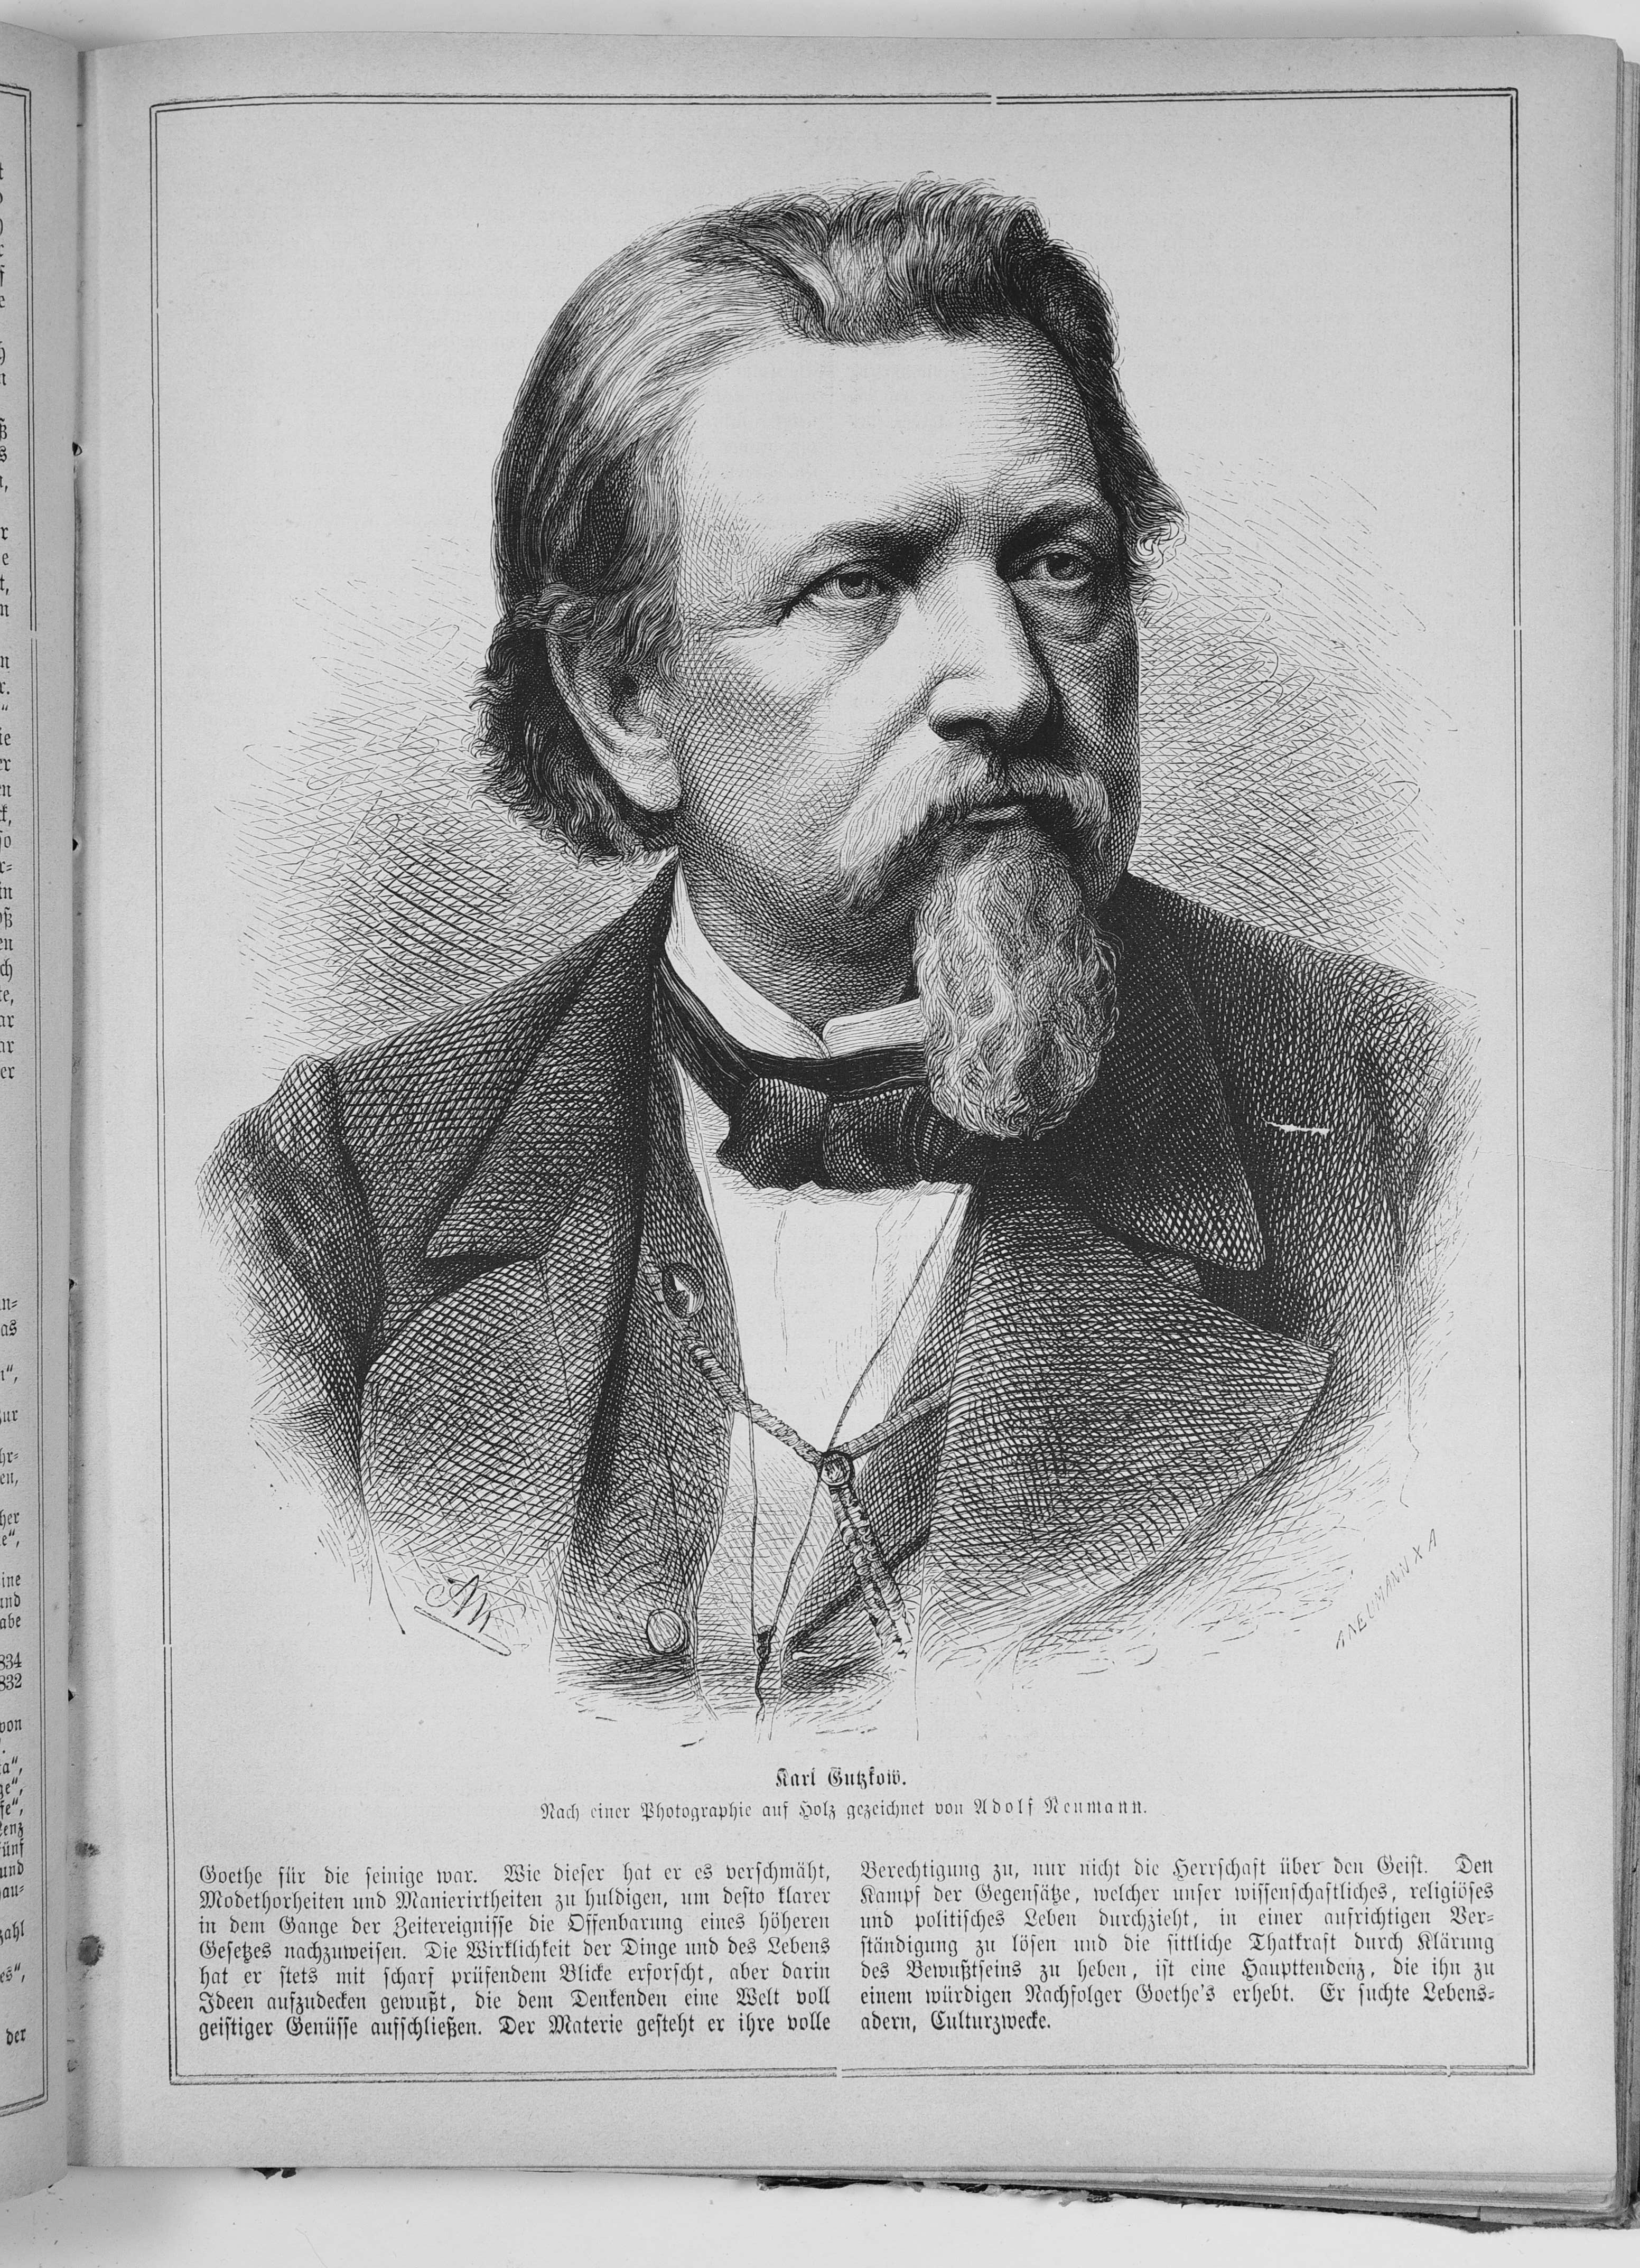Karl Gutzkow.
Nach einer Photographie auf Holz gezeichnet von Adolf Neumann.

Goethe für die seinige war. Wie dieser hat er es verschmäht, Modethorheiten und Manierirtheiten zu huldigen, um desto klarer in dem Gange der Zeitereignisse die Offenbarung eines höheren Gesetzes nachzuweisen. Die Wirklichkeit der Dinge und des Lebens hat er stets mit scharf prüfendem Blicke erforscht, aber darin Ideen aufzudecken gewußt, die dem Denkenden eine Welt voll geistiger Genüsse aufschließen. Der Materie gesteht er ihre volle Berechtigung zu, nur nicht die Herrschaft über den Geist. Den Kampf der Gegensätze, welcher unser wissenschaftliches, religiöses und politisches Leben durchzieht, in einer aufrichtigen Verständigung zu lösen und die sittliche Thatkraft durch Klärung des Bewußtseins zu heben, ist eine Haupttendenz, die ihn zu einem würdigen Nachfolger Goethe’s erhebt. Er suchte Lebensadern, Culturzwecke.
